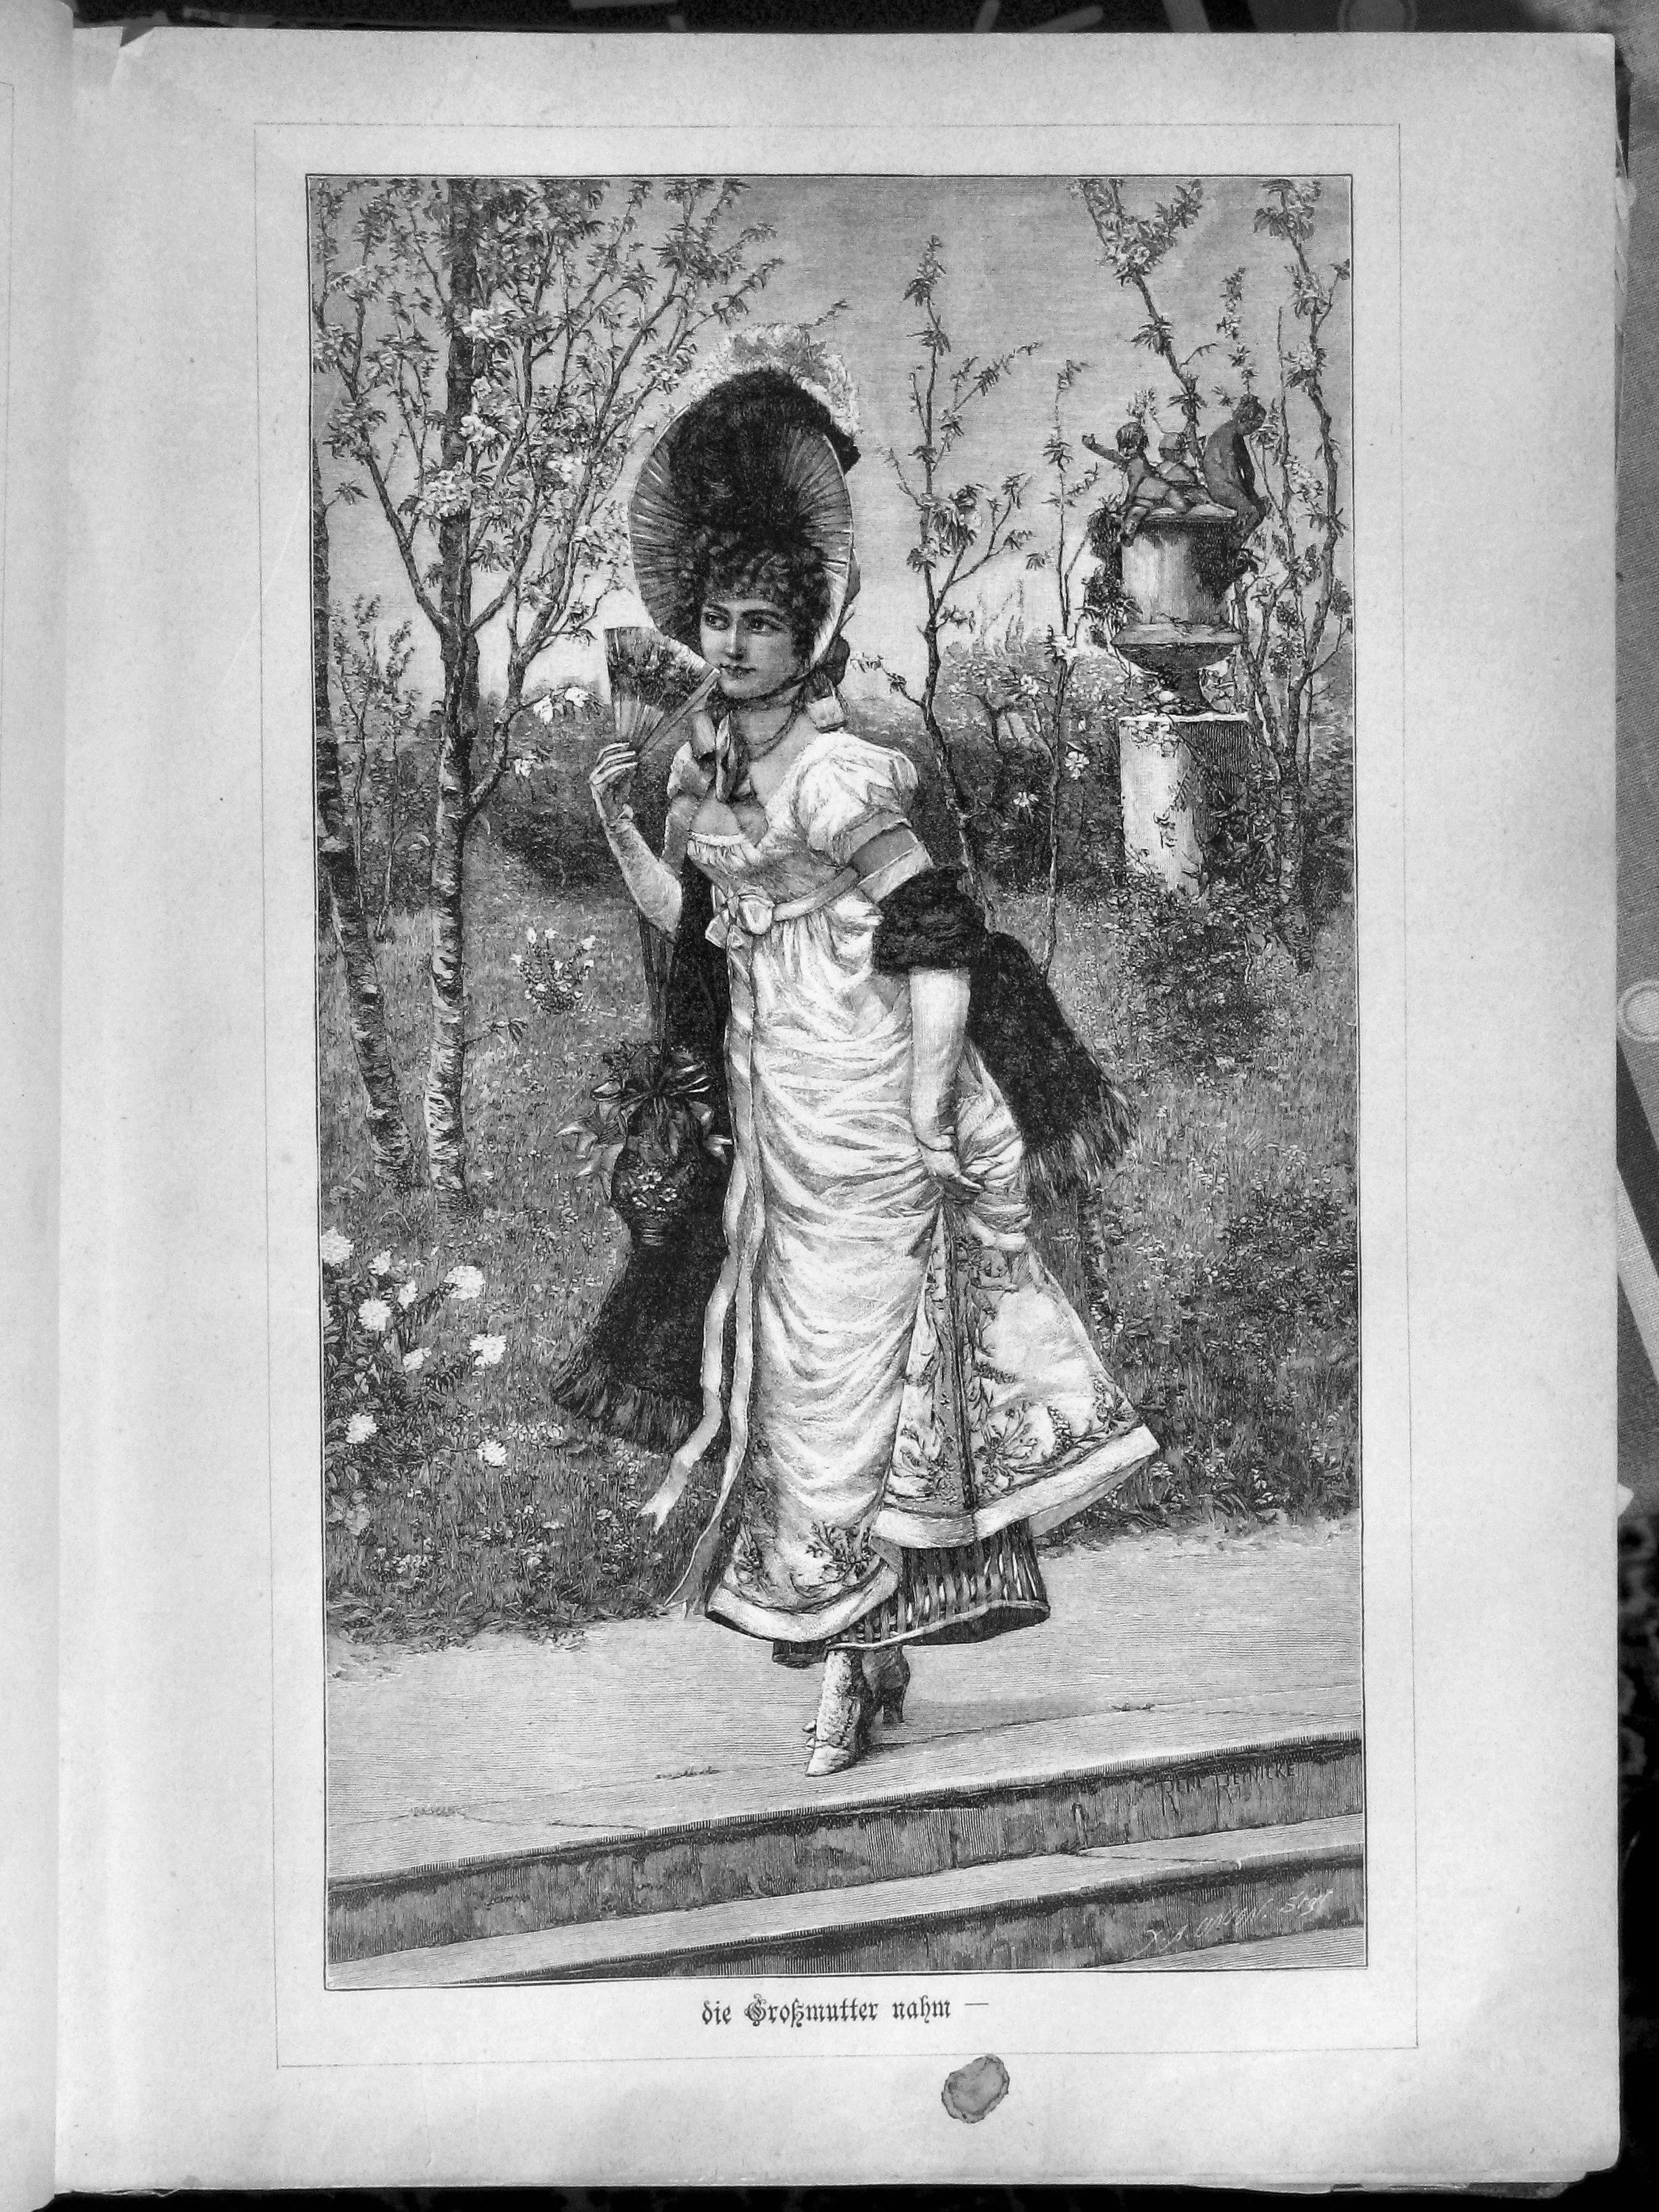die Großmutter nahm –
